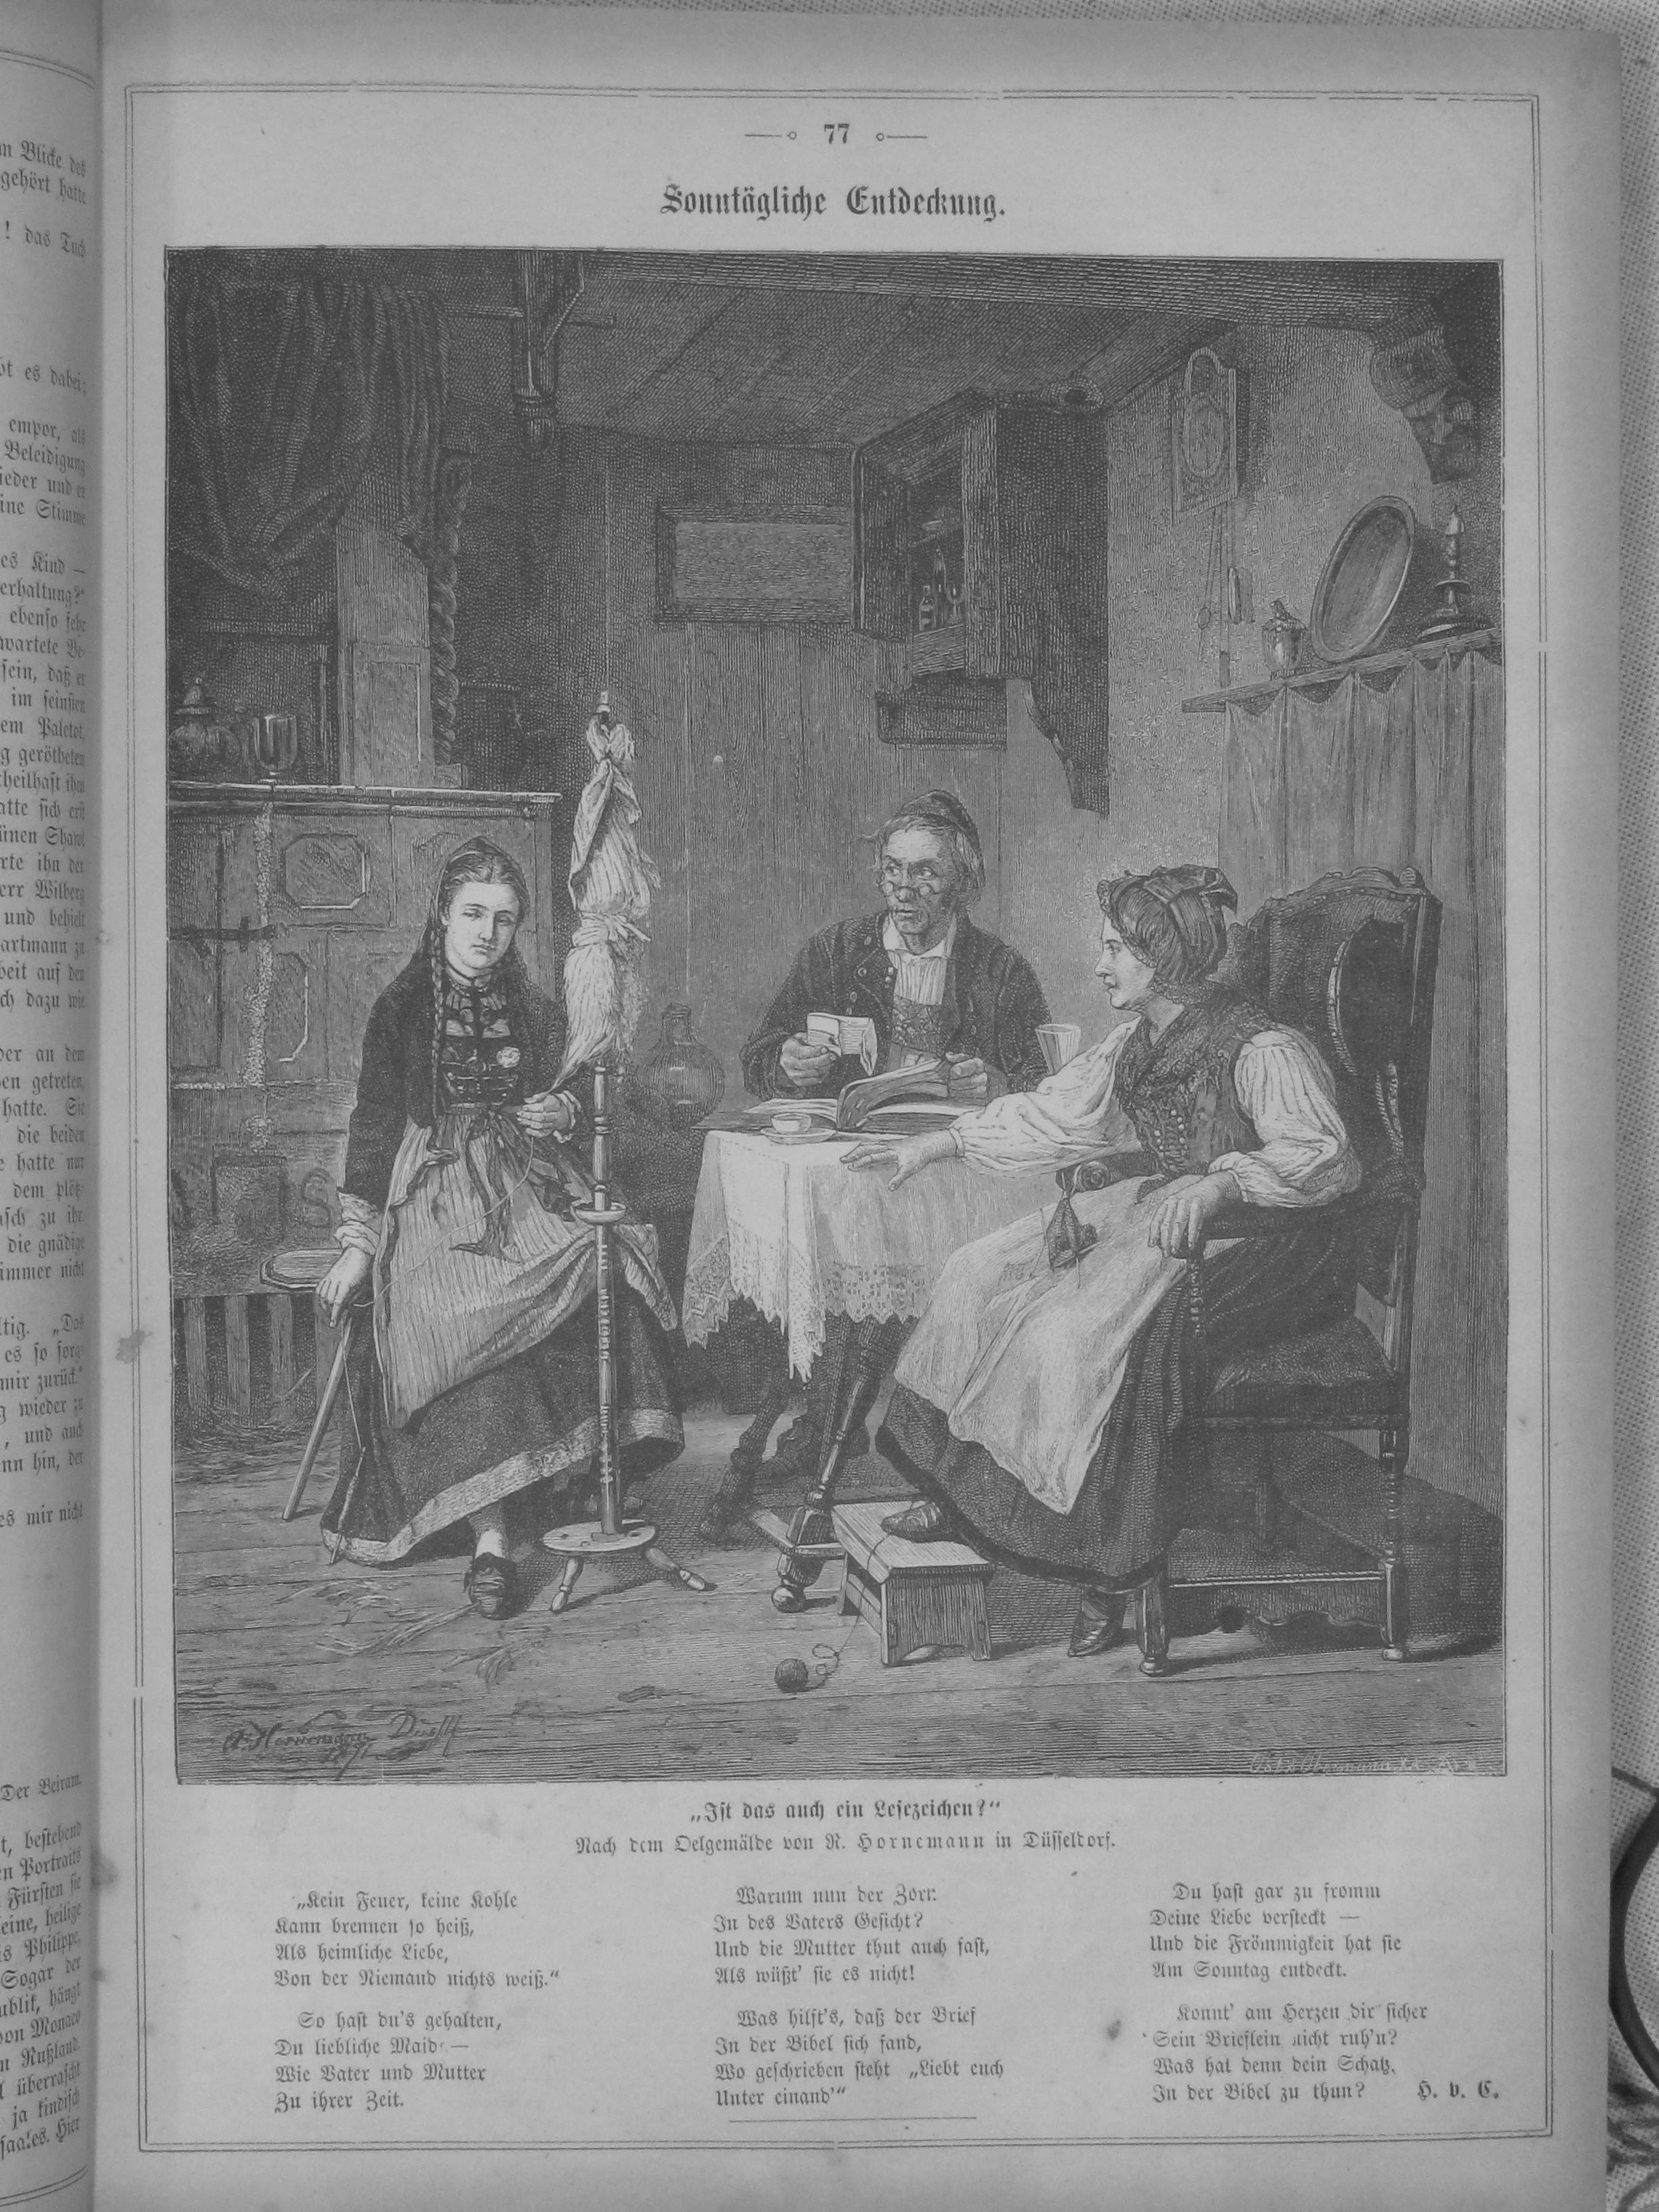Sonntägliche Entdeckung.

„Ist das auch ein Lesezeichen?“
Nach dem Oelgemälde von R. Hornemann in Düsseldorf.

„Kein Feuer, keine Kohle
Kann brennen so heiß,
Als heimliche Liebe,
Von der Niemand nichts weiß.“

So hast du’s gehalten,
Du liebliche Maid –
Wie Vater und Mutter
Zu ihrer Zeit.

Warum nun der Zorn
In des Vaters Gesicht?
Und die Mutter thut auch fast,
Als wüßt’ sie es nicht!

Was hilft’s, daß der Brief
Zu der Bibel sich fand,
Wo geschrieben steht „Liebt euch
Unter einand’“

Du hast gar zu fromm
Deine Liebe versteckt –
Und die Frömmigkeit hat sie
Am Sonntag entdeckt.

Konnt’ am Herzen dir sicher
Sein Brieflein nicht ruh’n?
Was hat denn dein Schatz,
In der Bibel zu thun?
H. v. C.
